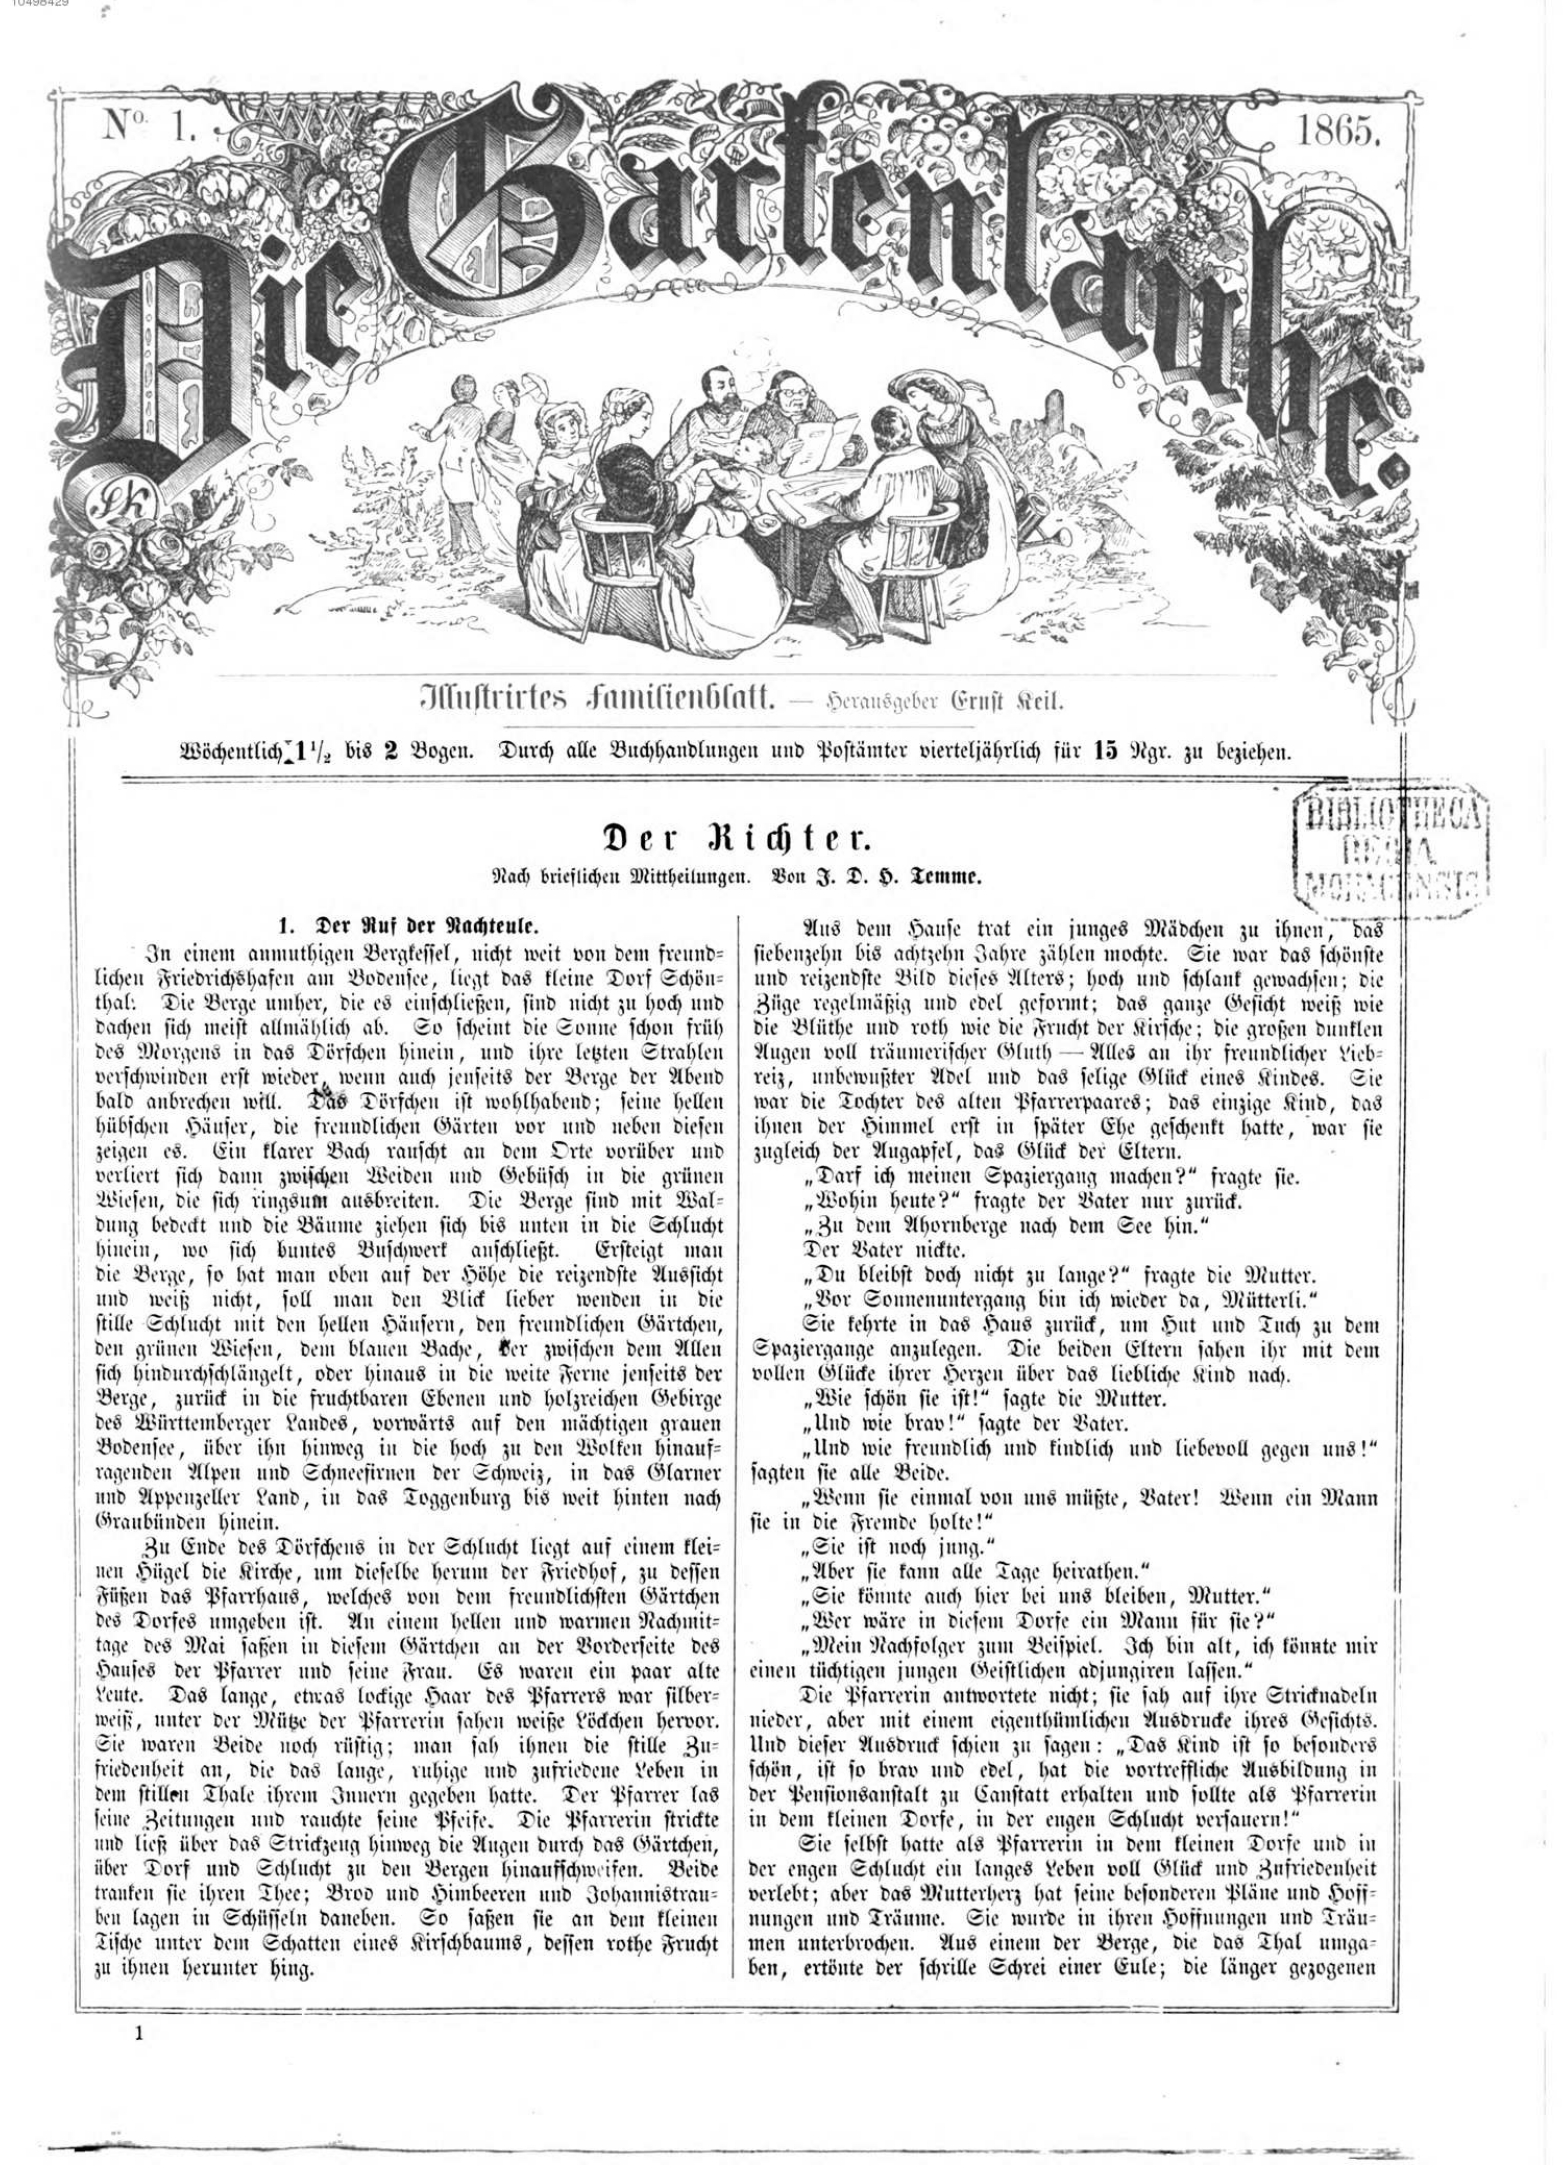No. 1. 1865.
Die Gartenlaube.

Illustrirtes Familienblatt. – Herausgeber Ernst Keil.

Wöchentlich 1½ bis 2 Bogen. Durch alle Buchhandlungen und Postämter vierteljährlich für 15 Ngr. zu beziehen.

Der Richter.
Nach brieflichen Mittheilungen. Von J. D. H. Temme.

1. Der Ruf der Nachteule.

In einem anmuthigen Bergkessel, nicht weit von dem freundlichen Friedrichshafen am Bodensee, liegt das kleine Dorf Schönthal. Die Berge umher, die es einschließen, sind nicht zu hoch und dachen sich meist allmählich ab. So scheint die Sonne schon früh des Morgens in das Dörfchen hinein, und ihre letzten Strahlen verschwinden erst wieder, wenn auch jenseits der Berge der Abend bald anbrechen will. Das Dörfchen ist wohlhabend; seine hellen hübschen Häuser, die freundlichen Gärten vor und neben diesen zeigen es. Ein klarer Bach rauscht an dem Orte vorüber und verliert sich dann zwischen Weiden und Gebüsch in die grünen Wiesen, die sich ringsum ausbreiten. Die Berge sind mit Waldung bedeckt und die Bäume ziehen sich bis unten in die Schlucht hinein, wo sich buntes Buschwerk anschließt. Ersteigt man die Berge, so hat man oben auf der Höhe die reizendste Aussicht und weiß nicht, soll man den Blick lieber wenden in die stille Schlucht mit den hellen Häusern, den freundlichen Gärtchen, den grünen Wiesen, dem blauen Bache, der zwischen dem Allen sich hindurchschlängelt, oder hinaus in die weite Ferne jenseits der Berge, zurück in die fruchtbaren Ebenen und holzreichen Gebirge des Württemberger Landes, vorwärts auf den mächtigen grauen Bodensee, über ihn hinweg in die hoch zu den Wolken hinaufragenden Alpen und Schneefirnen der Schweiz, in das Glarner und Appenzeller Land, in das Toggenburg bis weit hinten nach Graubünden hinein.

Zu Ende des Dörfchens in der Schlucht liegt auf einem kleinen Hügel die Kirche, um dieselbe herum der Friedhof, zu dessen Füßen das Pfarrhaus, welches von dem freundlichsten Gärtchen des Dorfes umgeben ist. An einem hellen und warmen Nachmittage des Mai saßen in diesem Gärtchen an der Vorderseite des Hauses der Pfarrer und seine Frau. Es waren ein paar alte Leute. Das lange, etwas lockige Haar des Pfarrers war silberweiß, unter der Mütze der Pfarrerin sahen weiße Löckchen hervor. Sie waren Beide noch rüstig; man sah ihnen die stille Zufriedenheit an, die das lange, ruhige und zufriedene Leben in dem stillen Thale ihrem Innern gegeben hatte. Der Pfarrer las seine Zeitungen und rauchte seine Pfeife. Die Pfarrerin strickte und ließ über das Strickzeug hinweg die Augen durch das Gärtchen, über Dorf und Schlucht zu den Bergen hinaufschweifen. Beide tranken sie ihren Thee; Brod und Himbeeren und Johannistrauben lagen in Schüsseln daneben. So saßen sie an dem kleinen Tische unter dem Schatten eines Kirschbaums, dessen rothe Frucht zu ihnen herunter hing.

Aus dem Hause trat ein junges Mädchen zu ihnen, das siebenzehn bis achtzehn Jahre zählen mochte. Sie war das schönste und reizendste Bild dieses Alters; hoch und schlank gewachsen; die Züge regelmäßig und edel geformt; das ganze Gesicht weiß wie die Blüthe und roth wie die Frucht der Kirsche; die großen dunklen Augen voll träumerischer Gluth - Alles an ihr freundlicher Liebreiz, unbewußter Adel und das selige Glück eines Kindes. Sie war die Tochter des alten Pfarrerpaares; das einzige Kind, das ihnen der Himmel erst in später Ehe geschenkt hatte, war sie zugleich der Augapfel, das Glück der Eltern.

„Darf ich meinen Spaziergang machen?“ fragte sie.

„Wohin heute?“ fragte der Vater nur zurück.

„Zu dem Ahornberge nach dem See hin.“

Der Vater nickte.

„Du bleibst doch nicht zu lange?“ fragte die Mutter.

„Vor Sonnenuntergang bin ich wieder da, Mütterli.“

Sie kehrte in das Haus zurück, um Hut und Tuch zu dem Spaziergange anzulegen. Die beiden Eltern sahen ihr mit dem vollen Glücke ihrer Herzen über das liebliche Kind nach.

„Wie schön sie ist!“ sagte die Mutter.

„Und wie brav!“ sagte der Vater.

„Und wie freundlich und kindlich und liebevoll gegen uns!“ sagten sie alle Beide.

„Wenn sie einmal von uns müßte, Vater! Wenn ein Mann sie in die Fremde holte!“

„Sie ist noch jung.“

„Aber sie kann alle Tage heirathen.“

„Sie könnte auch hier bei uns bleiben, Mutter.“

„Wer wäre in diesem Dorfe ein Mann für sie?“

„Mein Nachfolger zum Beispiel. Ich bin alt, ich könnte mir einen tüchtigen jungen Geistlichen adjungiren lassen.“

Die Pfarrerin antwortete nicht; sie sah auf ihre Stricknadeln nieder, aber mit einem eigenthümlichen Ausdrucke ihres Gesichts. Und dieser Ausdruck schien zu sagen: „Das Kind ist so besonders schön, ist so brav und edel, hat die vortreffliche Ausbildung in der Pensionsanstalt zu Canstatt erhalten und sollte als Pfarrerin in dem kleinen Dorfe, in der engen Schlucht versauern!“

Sie selbst hatte als Pfarrerin in dem kleinen Dorfe und in der engen Schlucht ein langes Leben voll Glück und Zufriedenheit verlebt; aber das Mutterherz hat seine besonderen Pläne und Hoffnungen und Träume. Sie wurde in ihren Hoffnungen und Träumen unterbrochen. Aus einem der Berge, die das Thal umgaben, ertönte der schrille Schrei einer Eule; die länger gezogenen
